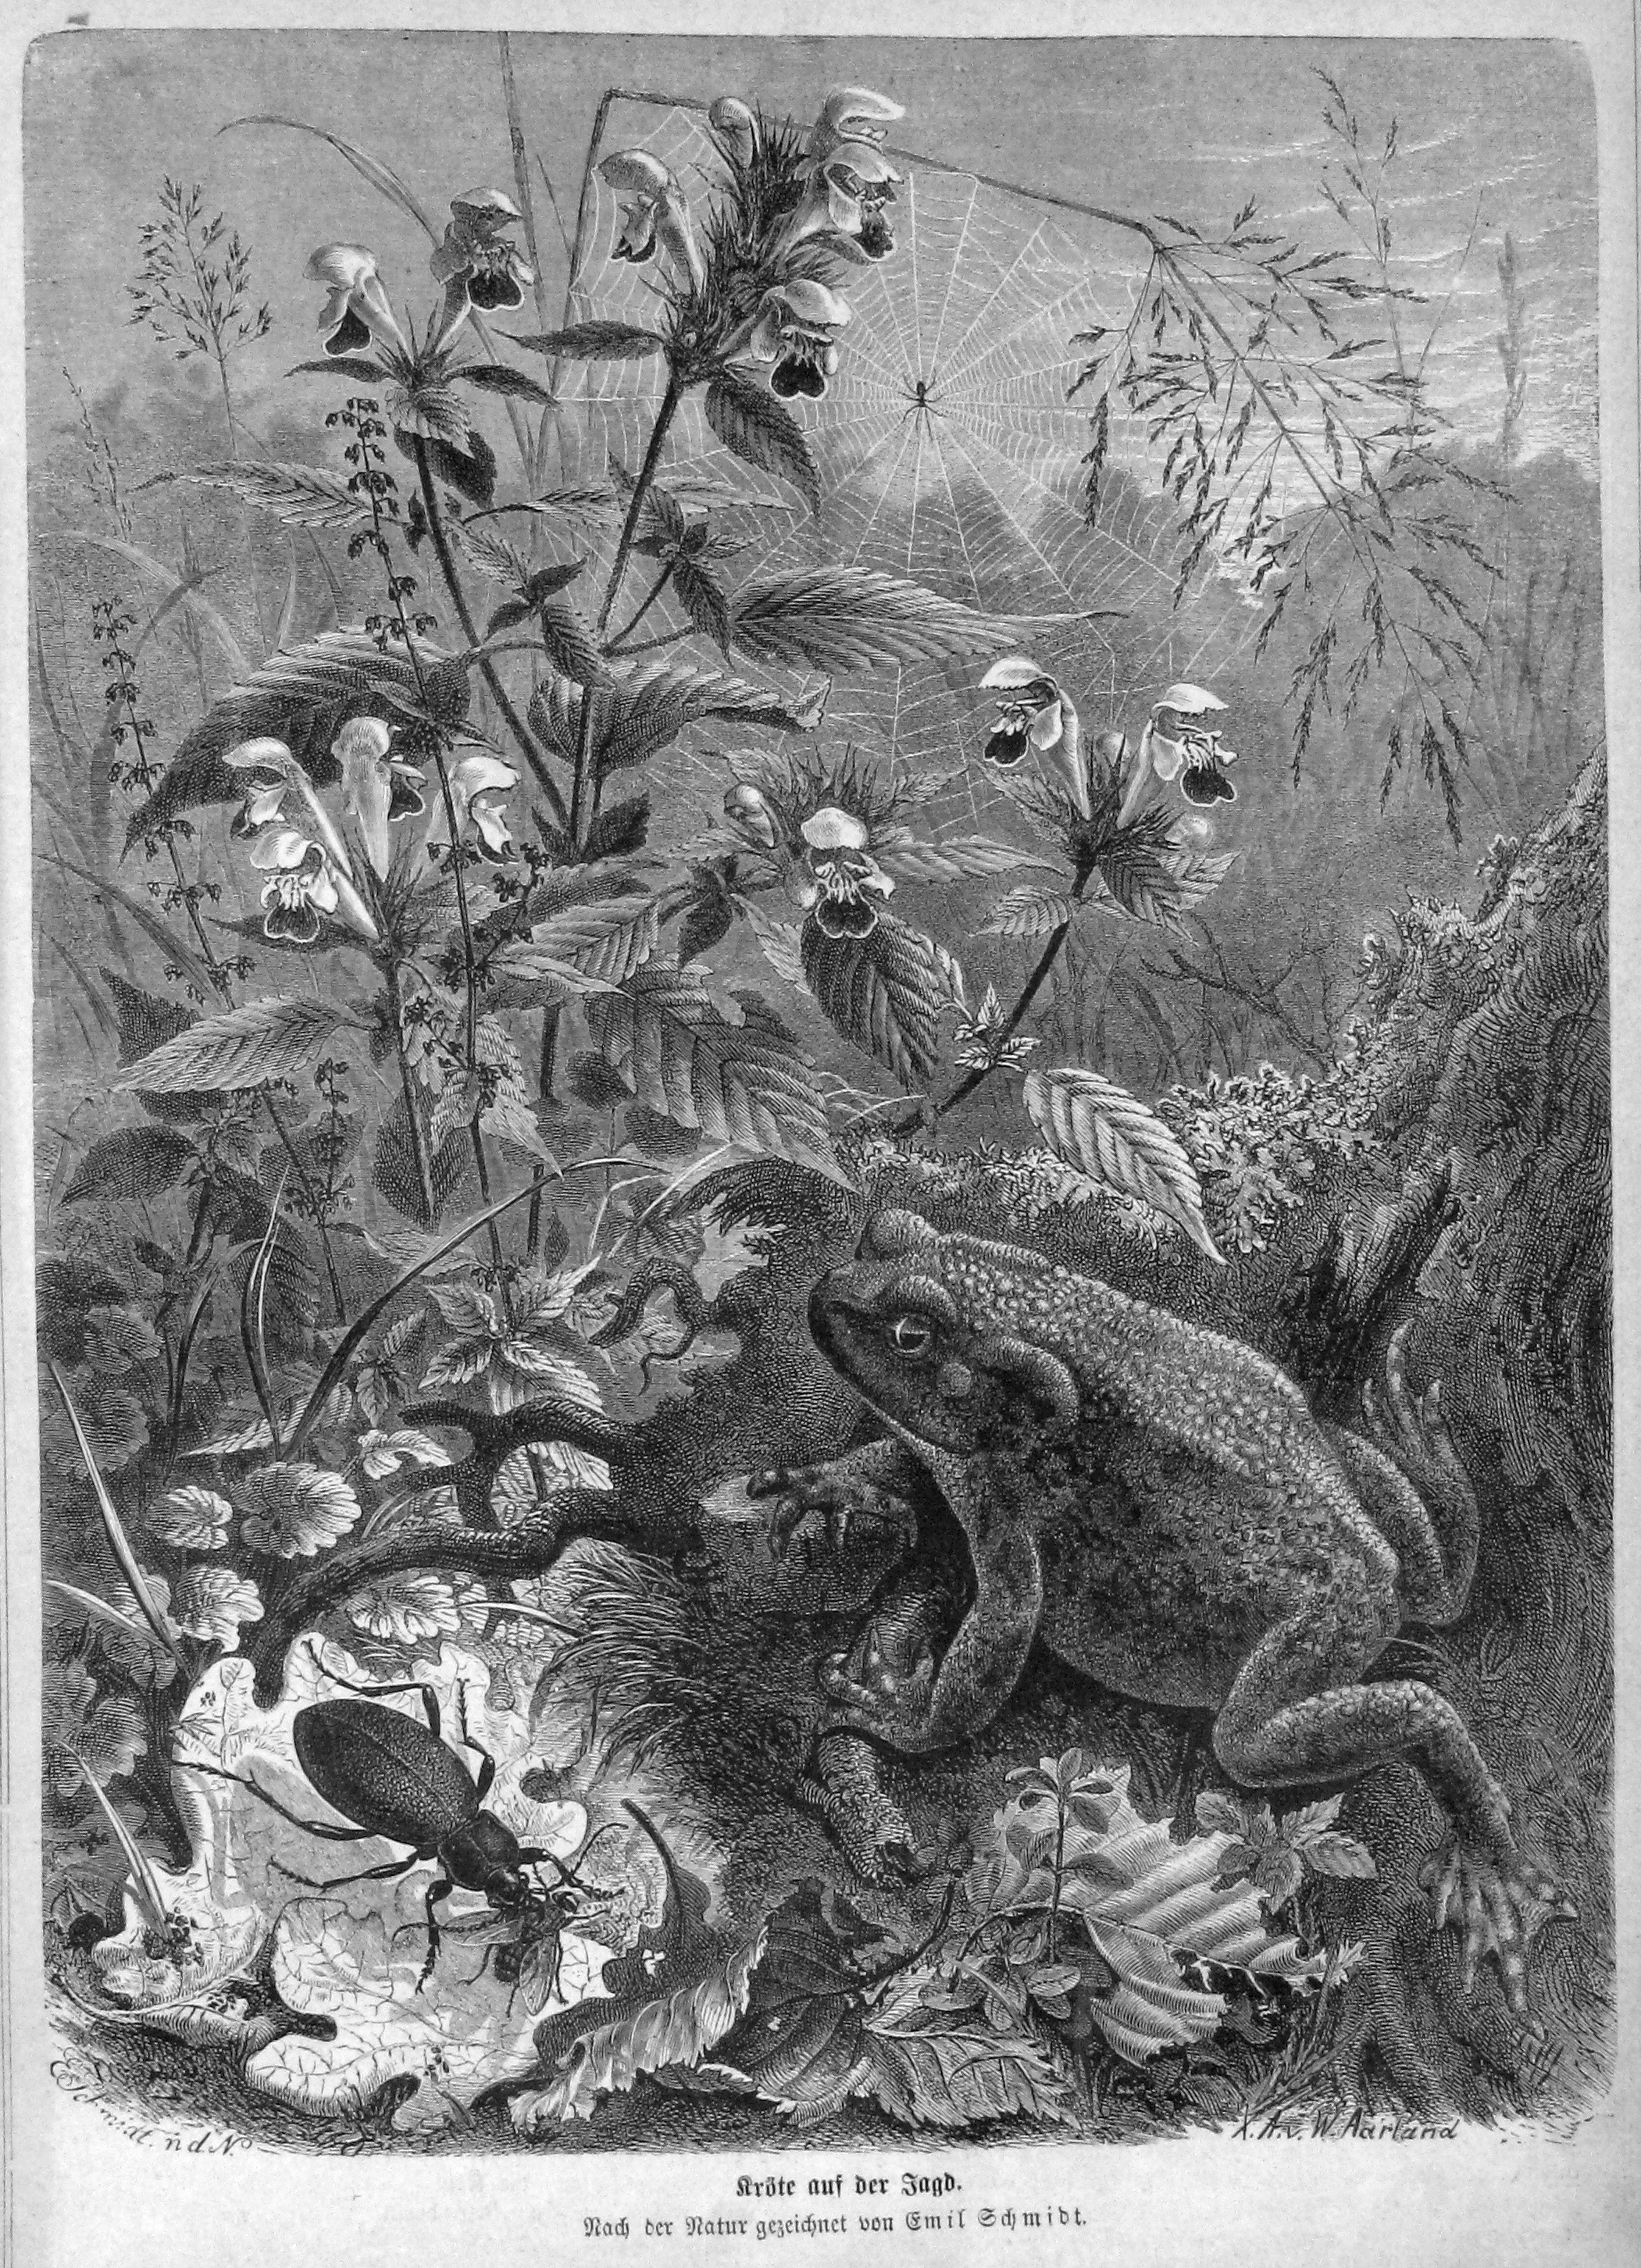Kröte auf der Jagd.
Nach der Natur gezeichnet von Emil Schmidt.
